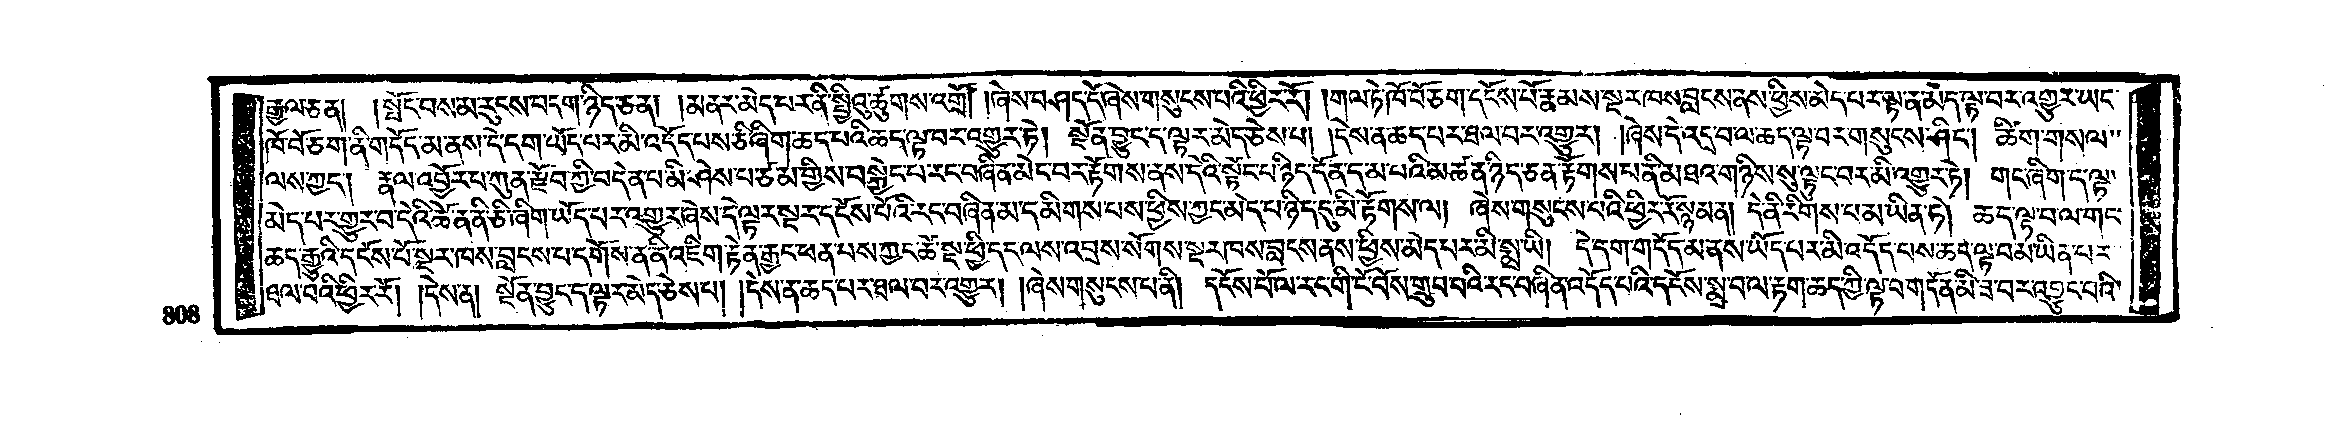རྒྱལ་ཅན། །སྤོང་བས་མ་རུངས་བདག་ཉིད་ཅན། །མནར་མེད་པར་ནི་སྤྱིའུ་ཚུགས་འགྲོ། །ཞེས་བཤད་དོ་ཞེས་གསུངས་པའི་ཕྱིར་རོ། །གལ་ཏེ་ཁོ་བོ་ཅག་དངོས་པོ་རྣམས་སྔར་ཁས་བླངས་ནས་ཕྱིས་མེད་པར་ལྟ་ན་མེད་ལྟ་བར་འགྱུར་ཡང་
ཁོ་བོ་ཅག་ནི་གདོད་མ་ནས་དེ་དག་ཡོད་པར་མི་འདོད་པས་ཅི་ཞིག་ཆད་པའི་ཆད་ལྟ་བར་འགྱུར་ཏེ། སྔོན་བྱུང་ད་ལྟར་མེད་ཅེས་པ། །དེས་ན་ཆད་པར་ཐལ་བར་འགྱུར། །ཞེས་དེ་འདྲ་བ་ལ་ཆད་ལྟ་བར་གསུངས་ཤིང་། ཚིག་གསལ་
ལས་ཀྱང་། རྣལ་འབྱོར་པ་ཀུན་རྫོབ་ཀྱི་བདེན་པ་མི་ཤེས་པ་ཙམ་གྱིས་བསྐྱེད་པ་རང་བཞིན་མེད་པར་རྟོགས་ནས་དེའི་སྟོང་པ་ཉིད་དོན་དམ་པའི་མཚན་ཉིད་ཅན་རྟོགས་པ་ནི་མཐའ་གཉིས་སུ་ལྟང་བར་མི་འགྱུར་ཏེ། གང་ཞིག་ད་ལྟ་
མེད་པར་གྱུར་པ་དེའི་ཚེ་ན་ནི་ཅི་ཞིག་ཡོད་པར་འགྱུར་ཞེས་དེ་ལྟར་སྔར་དངོས་པོའི་རང་བཞིན་མ་དམིགས་པས་ཕྱིས་ཀྱང་མེད་པ་ཉིད་དུ་མི་རྟོགས་ལ། ཞེས་གསུངས་པའི་ཕྱིར་རོ་སྙམ་ན། དེ་ནི་རིགས་པ་མ་ཡིན་ཏེ། ཆད་ལྟ་བ་ལ་གང་
ཆད་རྒྱུའི་དངོས་པོ་སྔར་ཁས་བླངས་པ་དགོས་ན་ནི་འཇིག་རྟེན་རྒྱང་ཕན་པས་ཀྱང་ཚེ་སྔ་ཕྱི་དང་ལས་འབྲས་སོགས་སྔར་ཁས་བླངས་ནས་ཕྱིས་མེད་པར་མི་སྨྲ་ཡི། དེ་དག་གདོད་མ་ནས་ཡོད་པར་མི་འདོད་པས་ཆད་ལྟ་བ་མ་ཡིན་པར་
ཐལ་བའི་ཕྱིར་རོ། །དེས་ན། སྔོན་བྱུང་ད་ལྟར་མེད་ཅེས་པ། །དེས་ན་ཆད་པར་ཐལ་བར་འགྱུར། །ཞེས་གསུངས་པ་ནི། དངོས་པོ་ལ་རང་གི་ངོ་བོས་གྲུབ་པའི་རང་བཞིན་འདོད་པའི་དངོས་སྨྲ་བ་ལ་རྟག་ཆད་ཀྱི་ལྟ་བ་གདོན་མི་ཟ་བར་འབྱུང་བའི་